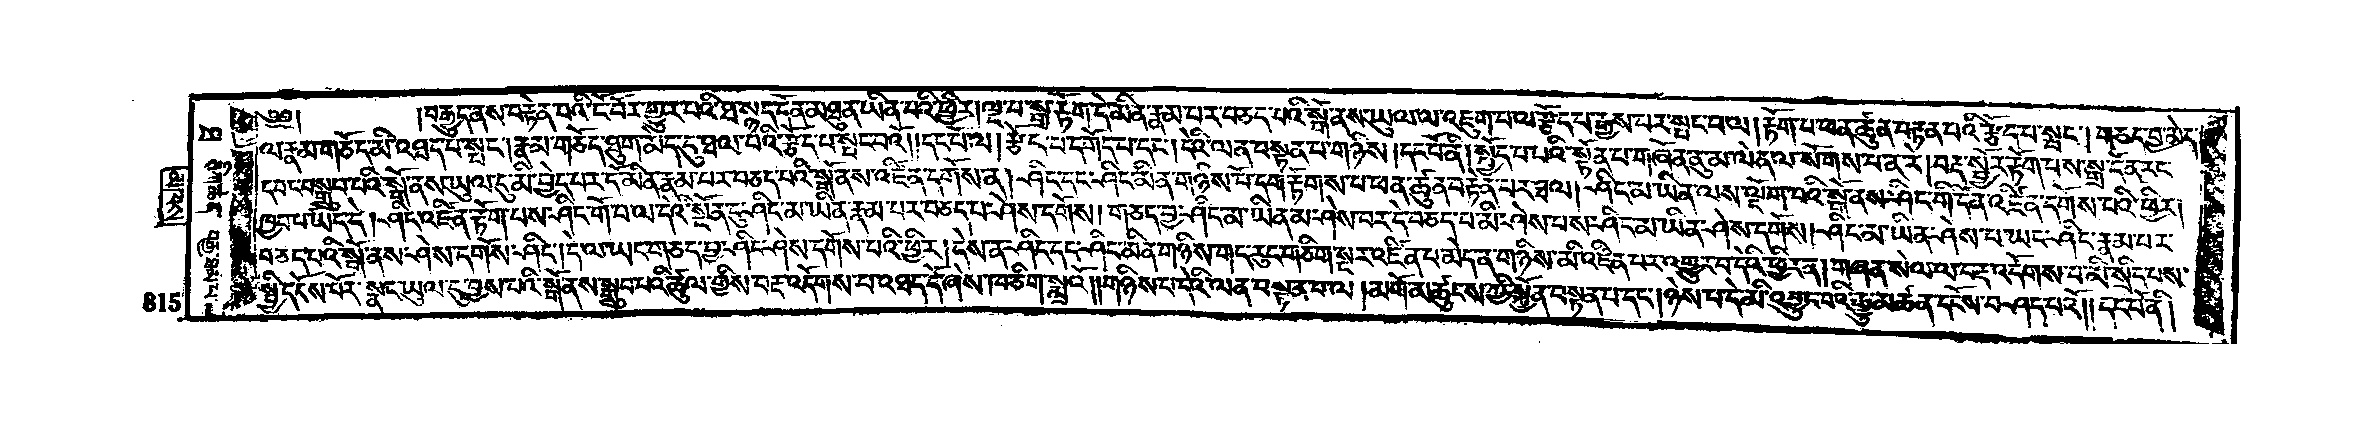༄༅། །བརྒྱུད་ནས་བརྟེན་པའི་ངོ་བོར་གྱུར་པའི་ཐ་སྙད་དོན་མཐུན་ཡིན་པའི་ཕྱིར། ལྔ་པ་སྒྲ་རྟོག་དེ་མིན་རྣམ་པར་བཅད་པའི་སྒོ་ནས་ཡུལ་ལ་འཇུག་པ་ལ་རྩོད་པ་རྒྱས་པར་སྤང་བ་ལ། རྟོག་པ་ཕན་ཚུན་བརྟན་པའི་རྩོད་པ་སྤང་། གཅད་བྱ་མེད་
ལ་རྣམ་གཅོད་མི་འཐད་པ་སྤང་། རྣམ་གཅོད་ཐུག་མེད་དུ་ཐལ་བའི་རྩོད་པ་སྤང་བའོ། །དང་པོ་ལ། རྩོད་པ་དགོད་པ་དང་། དེའི་ལན་བསྟན་པ་གཉིས། དང་པོ་ནི། སྤྱོད་པ་པའི་སྟོན་པ་གཞོན་ནུ་མ་ལེན་ལ་སོགས་པ་ན་རེ། བརྡ་སྦྱོར་རྟོག་པས་སྒྲ་དོན་རང་
དབང་བསྒྲུབ་པའི་སྒོ་ནས་ཡུལ་དུ་མི་བྱེད་པར་དོ་མིན་རྣམ་པར་བཅད་པའི་སྒོ་ནས་འཛིན་དགོས་ན། ཤིང་དང་ཤིང་མིན་གཉིས་པོ་དག་རྟོགས་པ་ཕན་ཚུན་བརྟེན་པར་ཐལ། ཤིང་མ་ཡིན་ལས་ལྡོག་པའི་སྒོ་ནས་ཤིང་གི་དོན་འཛིན་དགོས་པའི་ཕྱིར།
ཁྱབ་པ་ཡོད་དེ། ཤིང་འཛིན་རྟོག་པས་ཤིག་གོ་བ་ལ་དེའི་སྔོན་དུ་ཤིང་མ་ཡིན་རྣམ་པར་བཅད་པ་ཤེས་དགོས། གཅད་བྱ་ཤིང་མ་ཡིན་མ་ཤེས་པར་དེ་བཅད་པ་མི་ཤེས་པས་ཤིང་མ་ཡིན་ཤེས་དགོས། ཤིང་མ་ཡིན་ཤེས་པ་ཡང་ཤིང་རྣམ་པར་
བཅད་པའི་སྒོ་ནས་ཤེས་དགོས་ཤིང་། དེ་ལ་ཡང་གཅད་བྱ་ཤིང་ཤེས་དགོས་པའི་ཕྱིར། དེས་ན་ཤིང་དང་ཤིང་མིན་གཉིས་གང་རུང་གཅིག་སྔར་འཛིན་པ་མེད་ན་གཉིས་མི་འཛིན་པར་འགྱུར་བ་དེའི་ཕྱིར་ན། གཞན་སེལ་ལ་བརྡ་འདོགས་པ་མི་སྲིད་པས་
སྤྱི་དངོས་པོར་སྣང་ཡུལ་དུ་བྱས་པའི་སྒོ་ནས་སྒྲུབ་པའི་ཚུལ་གྱིས་བརྡ་འདོགས་པ་འཐད་དོ་ཞེས་ཁ་ཅིག་སྨྲའོ། །གཉིས་པ་དེའི་ལན་བསྟན་པ་ལ། མགོ་མཚུངས་ཀྱི་སྐྱོན་བསྟན་པ་དང་། ཉེས་པ་དེ་མི་འབྱུང་བའི་རྒྱུ་མཚན་དངོས་བཤད་པའོ། །དང་པོ་ནི།